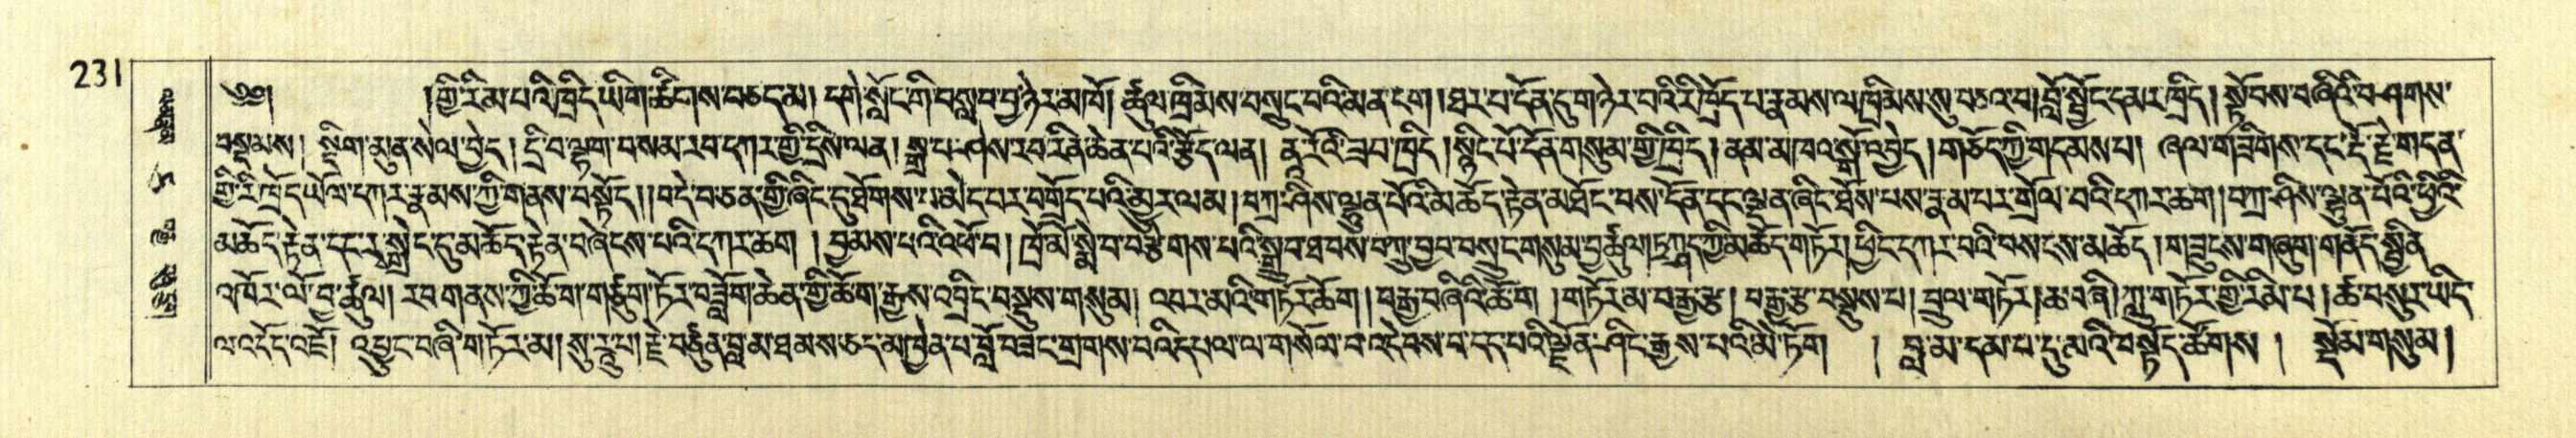༄༅། །གྱི་རིམ་པའི་ཁྲིད་ཡིག་ཚིགས་བཅད་མ། དགེ་སློང་གི་བསླབ་བྱ་ཉེར་མཁོ། ཚུལ་ཁྲིམས་བསྲུང་བའི་མན་ངག །ཐར་པ་དོན་དུ་གཉེར་བའི་རི་ཁྲོད་པ་རྣམས་ལ་ཁྲིམས་སུ་བཅའ་བ། བློ་སྦྱོང་དམར་ཁྲིད། སྟོབས་བཞིའི་བཤགས་
བསྡམས། སྡིག་མུན་སེལ་བྱེད། དྲི་བ་ལྷག་བསམ་རབ་དཀར་གྱི་དྲིས་ལན། སྒྲ་པ་ཤེས་རབ་རིན་ཆེན་པའི་རྩོད་ལན། ནཱ་རོའི་ཟབ་ཁྲིད། སྙིང་པོ་དོན་གསུམ་གྱི་ཁྲིད། ནམ་མཁའ་སྒོ་འབྱེད། གཅོད་ཀྱི་གདམས་པ། ཞལ་གཟིགས་དང་རྡོ་རྗེ་གདན་
གྱི་རི་ཁྲོད་ཡོལ་དཀར་རྣམས་ཀྱི་གནས་བསྟོད། །བདེ་བ་ཅན་གྱི་ཞིང་དུ་ཐོགས་པ་མེད་པར་བགྲོད་པའི་མྱུར་ལམ། བཀྲ་ཤིས་ལྷུན་པོའི་མཆོད་རྟེན་མཐོང་བས་དོན་དང་ལྡན་ཞིང་ཐོས་པས་རྣམ་པར་གྲོལ་བའི་དཀར་ཆག། བཀྲ་ཤིས་ལྷུན་པོའི་ཕྱིའི་
མཆོད་རྟེན་དང་རྭ་སྒྲེང་དུ་མཆོད་རྟེན་བཞེངས་པའི་དཀར་ཆག །བྱམས་པའི་འཕོ་བ། ཁྲོ་མོ་སྨེ་བ་བརྩེགས་པའི་སྒྲུབ་ཐབས་བཀྲུ་བྱ་བ་བསྲུང་གསུམ་བྱ་ཚུལ། ཏྲཀྴ་ད་ཀྱི་མཆོད་གཏོར། ཕྱིང་དཀར་བའི་བསངས་མཆོད་།གཟུངས་གཞུག་གནོད་སྦྱིན་
འཁོར་ལོ་བྱ་ཚུལ། རབ་གནས་ཀྱི་ཆོ་ག་གཙུག་ཏོར་བཟློག་ཆེན་གྱི་ཆོ་ག་རྒྱས་འབྲིང་བསྡུས་གསུམ། འབར་མའི་གཏོར་ཆོ་ག །བརྒྱ་བཞིའི་ཆོ་ག །གཏོར་མ་བརྒྱ་རྩ། བརྒྱ་རྩ་བསྡུས་པ། བྲུལ་གཏོར་།ཆ་བཞི། ཀླུ་གཏོར་གྱི་རིམ་པ། ཚ་བསུར་ཡིད་
ལ་འདོད་འཇོ། འབྱུང་བཞི་གཏོར་མ། སུ་རཱུ་པ། རྗེ་བཙུན་བླ་མ་ཐམས་ཅད་མཁྱེན་པ་བློ་བཟང་གྲགས་བའི་དཔལ་ལ་གསོལ་བ་འདེབས་པ་དང་པའི་ལྗོན་ཤིང་རྒྱས་པའི་མེ་ཏོག །བླ་མ་དམ་པ་དུ་མའི་བསྟོད་ཚོགས། སྡོམ་གསུམ།